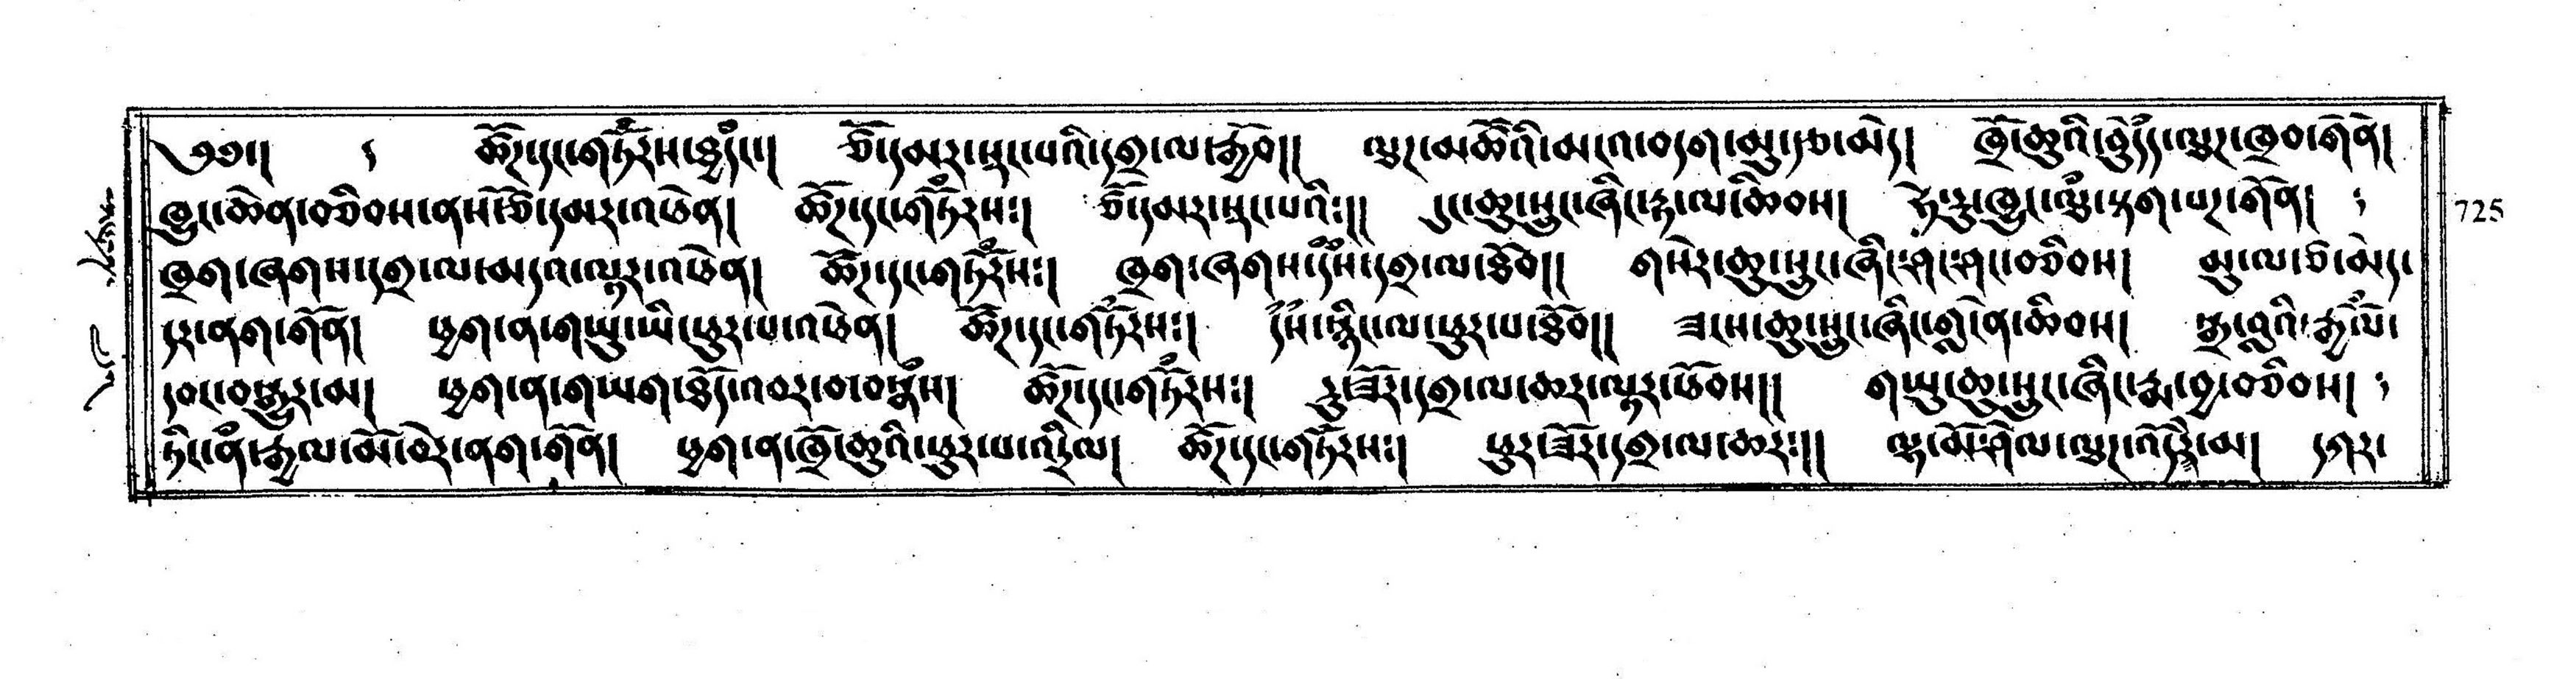ཚོགས་དང་གཏོར་མས་ཐུགས་དམ་བསྐང་། ཙོ་དམར་སྡང་པའི་དགྲ་ལ་རྒྱོབ།། ལྕགས་མཚོའི་མངའ་བདག་མུ་རྩ་མེད། ཁྲོ་ཆུའི་བུད་མེད་ལྕགས་ཁྲབ་གོན། 
ཁྱུང་ཆེན་བཅིབས་ནས་ཙོ་དམར་འཕེན། ཚོགས་དང་གཏོར་མས༴། ཙོ་དམར་སྡང་པའི༴།། དུང་ཆུ་སྲུང་ཞིང་རྟ་ལ་ཆིབས། ཧེ་རུ་ཁྱུང་ལྕམ་སྟག་པགས་གོན། 
ཁྲག་ཞགས་དགྲ་ལ་མདའ་ལྟར་འཕེན། ཚོགས་དང་གཏོར་མས༴། ཁྲག་ཞགས་དམ་ཉམས་དགྲ་ལ་ཐོབས།། གསེར་ཆུ་སྲུང་ཞིང་ཤང་ཤང་བཅིབས། མུ་ལ་ཙ་མེད་
དར་ནག་གོན། ཕྱག་ན་གཡུ་ཡི་ཕུར་པ་འཕེན། ཚོགས་དང་གཏོར་མས༴། དམ་ཉམས་སྙིང་ལ་ཕུར་པ་ཐོབས།། ཟངས་ཆུ་སྲུང་ཞིང་གླང་ཆེན་ཆིབས། སྒྲ་བླའི་རྒྱལ་མོ་
དབང་བསྒྱུར་མ། ཕྱག་ན་གཡག་ཐོད་འབར་བ་བསྣམས། ཚོགས་དང་གཏོར་མས༴། རུ་ཟོར་དགྲ་ལ་ཆར་ལྟར་ཕོབས།། གཡུ་ཆུ་སྲུང་ཞིང་རྨ་བྱ་བཅིབས། 
ཏིང་ནམ་རྒྱལ་མོ་བེར་ནག་གོན། ཕྱག་ན་ཁྲོ་ཆུའི་ཕུར་པ་འདྲིལ། ཚོགས་དང་གཏོར་མས༴། ཕུར་ཟོར་དགྲ་ལ་ཆར༴།། ལྷ་མོ་ཤེལ་ལྕགས་འོད་ཟེར་མ། དཀར་